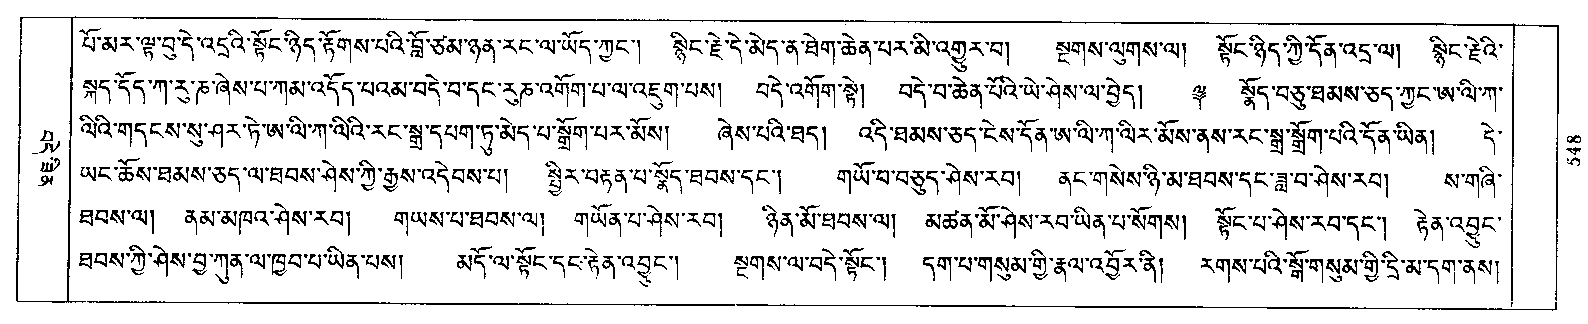པོ་མར་ལྟ་བུ་དེ་འདྲའི་སྟོང་ཉིད་རྟོགས་པའི་བློ་ཙམ་ཉན་རང་ལ་ཡོད་ཀྱང་། སྙིང་རྗེ་དེ་མེད་ན་ཐེག་ཆེན་པར་མི་འགྱུར་བ། སྔགས་ལུགས་ལ། སྟོང་ཉིད་ཀྱི་དོན་འདྲ་ལ། སྙིང་རྗེའི་
སྐད་དོད་ཀ་རུ་ཎ་ཞེས་པ་ཀམ་འདོད་པའམ་བདེ་བ་དང་རུཎ་འགོག་པ་ལ་འཇུག་པས། བདེ་འགོག་སྟེ། བདེ་བ་ཆེན་པོའི་ཡེ་ཤེས་ལ་བྱེད། ༈ སྣོད་བཅུ་ཐམས་ཅད་ཀྱང་ཨ་ལི་ཀ་
ལིའི་གདངས་སུ་ཤར་ཏེ་ཨ་ལི་ཀ་ལིའི་རང་སྒྲ་དཔག་ཏུ་མེད་པ་སྒྲོག་པར་མོས། ཞེས་པའི་ཐད། འདི་ཐམས་ཅད་ངེས་དོན་ཨ་ལིར་མོས་ནས་རང་སྒྲ་སྒྲོག་པའི་དོན་ཡིན། དེ་
ཡང་ཆོས་ཐམས་ཅད་ལ་ཐབས་ཤེས་ཀྱི་རྒྱས་འདེབས་པ། སྤྱིར་བརྟན་པ་སྣོད་ཐབས་དང་། གཡོ་བ་བཅུད་ཤེས་རབ། ནང་གསེས་ཉི་མ་ཐབས་དང་ཟླ་བ་ཤེས་རབ། ས་གཞི་
ཐབས་ལ། ནམ་མཁའ་ཤེས་རབ། གཡས་པ་ཐབས་ལ། གཡོན་པ་ཤེས་རབ། ཉིན་མོ་ཐབས་ལ། མཚན་མོ་ཤེས་རབ་ཡིན་པ་སོགས། སྟོང་པ་ཤེས་རབ་དང་། རྟེན་འབྱུང་
ཐབས་ཀྱི་ཤེས་བྱ་ཀུན་ལ་ཁྱབ་པ་ཡིན་པས། མདོ་ལ་སྟོང་དང་རྟེན་འབྱུང་། སྔགས་ལ་བདེ་སྟོང་། དག་པ་གསུམ་གྱི་རྣལ་འབྱོར་ནི། རགས་པའི་སྒོ་གསུམ་གྱི་དྲི་མ་དག་ནས།